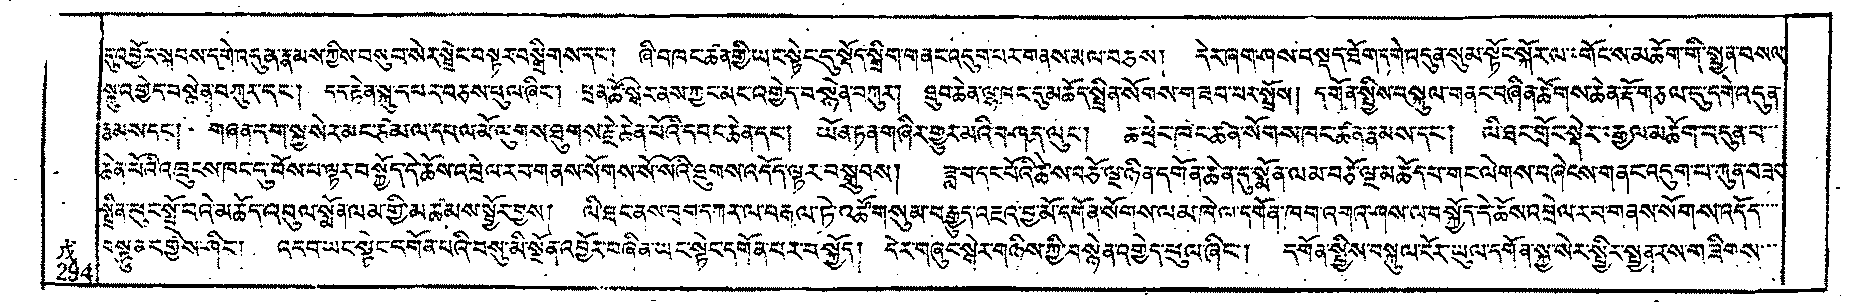དུ་འབྱོར་སྐབས་དགེ་འདུན་རྣམས་ཀྱིས་བསུ་བ་སེར་སྦྲིང་བསྟར་བསྒྲིགས་དང་། ཞི་བ་ཁང་ཚན་གྱི་ཡང་སྟེང་དུ་སྡོད་སྒྲིག་གནང་འདུག་པར་གནས་མལ་བཅས། དེར་ཞག་ཤས་བསྡད་ཐོག་དགེ་འདུན་སུམ་སྟོང་སྐོར་ལ་༧གོང་ས་མཆོག་གི་སྤྱན་བསལ་
སྐུ་འགྱེད་བསྙེན་བཀུར་དང་། དང་རྟེན་སྐུ་དཔར་བཅས་ཕུལ་ཞིང་། ཕྲན་ཚོ་སྒེར་ནས་ཀྱང་མང་འགྱེད་བསྙེན་བཀུར། ཐུབ་ཆེན་ལྷ་ཁང་དུ་མཆོད་སྤྲིན་སོགས་གཟབ་པར་སྤྲོས། དགོན་སྤྱིས་བསྐུལ་གནང་བཞིན་ཚོགས་ཆེན་རྡོ་གཅལ་དུ་དགེ་འདུན་
རྣམས་དང་། གཞན་དག་སྐྱ་སེར་མང་ཙམ་ལ་དཔལ་མོ་ལུགས་ཐུགས་རྗེ་ཆེན་པོའི་དབང་ཆེན་དང་། ཡོན་ཏན་གཞིར་གྱུར་མའི་བཤད་ལུང་། ཆ་ཕྲེང་ཁང་ཚན་སོགས་ཁང་ཚན་རྣམས་དང་། ལི་ཐང་གྲོང་སྡེར་༧རྒྱལ་མཆོག་བདུན་པ་
ཆེན་པོའི་འཁྲུངས་ཁང་དུ་བོས་པ་ལྟར་བསྐྱོད་དེ་ཆོས་འབྲེལ་རབ་གནས་སོགས་སོ་སོའི་ཐུགས་འདོད་ལྟར་བསྒྲུབས། ཟླ་བ་དང་པོའི་ཚེས་བཅོ་ལྔ་ཉིན་དགོན་ཆེན་དུ་སྨོན་ལམ་བཅོ་ལྔ་མཆོད་པ་གང་ལེགས་བཞེངས་གནང་འདུག་པ་ཀུན་བཟང་
སྤྲིན་ཕུང་སྤྲོ་བའི་མཆོད་འབུལ་སྨོན་ལམ་གྱི་མཚམས་སྦྱོར་བྱས། ལི་ཐང་ནས་བྲག་དཀར་ལ་བརྒལ་ཏེ་འཚོ་གསུམ་བརྒྱུད་འཇའ་བྱ་མོ་དགོན་སོགས་ལམ་ཁེལ་དགོན་ཁག་འགའ་ཤས་ལ་བསྐྱོད་དེ་ཆོས་འབྲེལ་རབ་གནས་སོགས་འདོད་
བསྟུན་བགྱིས་ཤིང་། འདབ་ཡང་སྟེང་དགོན་པའི་བསུ་མི་སྔོན་འབྱོར་བཞིན་ཡང་སྟེང་དགོན་པར་བསྐྱོད། དེར་གཞུང་སྒེར་གཉིས་ཀྱི་བསྙེན་འགྱེད་ཕུལ་ཞིང་། དགོན་སྤྱིས་བསྐུལ་ངོར་ཡུལ་དགོན་སྐྱ་སེར་སྤྱིར་སྤྱན་རས་གཟིགས་